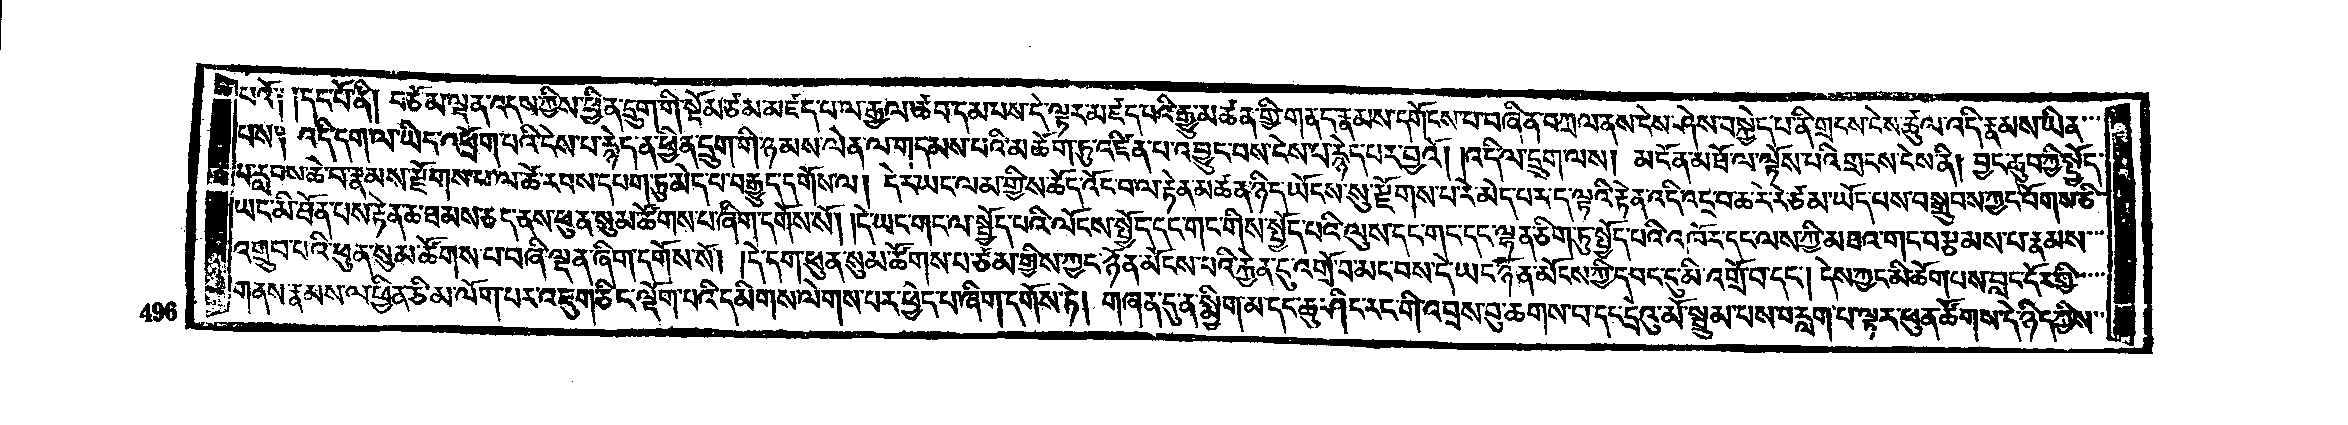པའོ༑ ༑དང་པོ་ནི། བཅོམ་ལྡན་འདས་ཀྱིས་ཕྱིན་དྲུག་གི་སྡོམ་ཙམ་མཛད་པ་ལ་རྒྱལ་ཚབ་དམ་པས་དེ་ལྟར་མཛད་པའི་རྒྱུ་མཚན་གྱི་གནད་རྣམས་དགོངས་པ་བཞིན་བཀྲལ་ནས་ངེས་ཤེས་བསྐྱེད་པ་ནི་གྲངས་ངེས་ཚུལ་འདི་རྣམས་ཡིན་
པས༑ འདི་དག་ལ་ཡིད་འཕྲོག་པའི་ངེས་པ་རྙེད་ན་ཕྱིན་དྲུག་གི་ཉམས་ལེན་ལ་གདམས་པའི་མཆོག་ཏུ་འཛིན་པ་འབྱུང་བས་ངེས་པ་རྙེད་པར་བྱའོ། །འདི་ལ་དྲུག་ལས། མངོན་མཐོ་ལ་ལྟོས་པའི་གྲངས་ངེས་ནི། བྱང་ཆུབ་ཀྱི་སྤྱོད་
པ་རླབས་ཆེ་བ་རྣམས་རྫོགས་པ་ལ་ཚེ་རབས་དཔག་ཏུ་མེད་པ་བརྒྱུད་དགོས་ལ། དེར་ཡང་ལམ་གྱི་ས་ཆོད་འོང་བ་ལ་རྟེན་མཚན་ཉིད་ཡོངས་སུ་རྫོགས་པ་རེ་མེད་པར་ད་ལྟའི་རྟེན་འདི་འདྲ་བ་ཆ་རེ་རེ་ཙམ་ཡོད་པས་བསྒྲུབས་ཀྱང་བོགས་ཅི་
ཡང་མི་ཐོན་པས་རྟེན་ཆ་ཐམས་ཅད་ནས་ཕུན་སུམ་ཚོགས་པ་ཞིག་དགོས་སོ། །དེ་ཡང་གང་ལ་སྤྱོད་པའི་ལོངས་སྤྱོད་དང་གང་གིས་སྤྱོད་པའི་ལུས་དང་གང་དང་ལྷན་ཅིག་ཏུ་སྤྱོད་པའི་འཁོར་དང་ལས་ཀྱི་མཐའ་གང་བརྩམས་པ་རྣམས་
འགྲུབ་པའི་ཕུན་སུམ་ཚོགས་པ་བཞི་ལྡན་ཞིག་དགོས་སོ། །དེ་དག་ཕུན་སུམ་ཚོགས་པ་ཙམ་གྱིས་ཀྱང་ཉོན་མོངས་པའི་རྐྱེན་དུ་འགྲོ་བ་མང་བས་དེ་ཡང་ཉོན་མོངས་ཀྱི་དབང་དུ་མི་འགྲོ་བ་དང་། དེས་ཀྱང་མི་ཆོག་པས་བླང་དོར་གྱི་
གནས་རྣམས་ལ་ཕྱིན་ཅི་མ་ལོག་པར་འཇུག་ཅིང་ལྡོག་པའི་དམིགས་ལེགས་པར་ཕྱེད་པ་ཞིག་དགོས་ཏེ། གཞན་དུ་ན་སྨྱིག་མ་དང་ཆུ་ཤིང་རང་གི་འབྲས་བུ་ཆགས་པ་དང་དྲེའུ་མོ་སྦྲུམ་པས་བརླག་པ་ལྟར་ཕུན་ཚོགས་དེ་ཉིད་ཀྱིས་